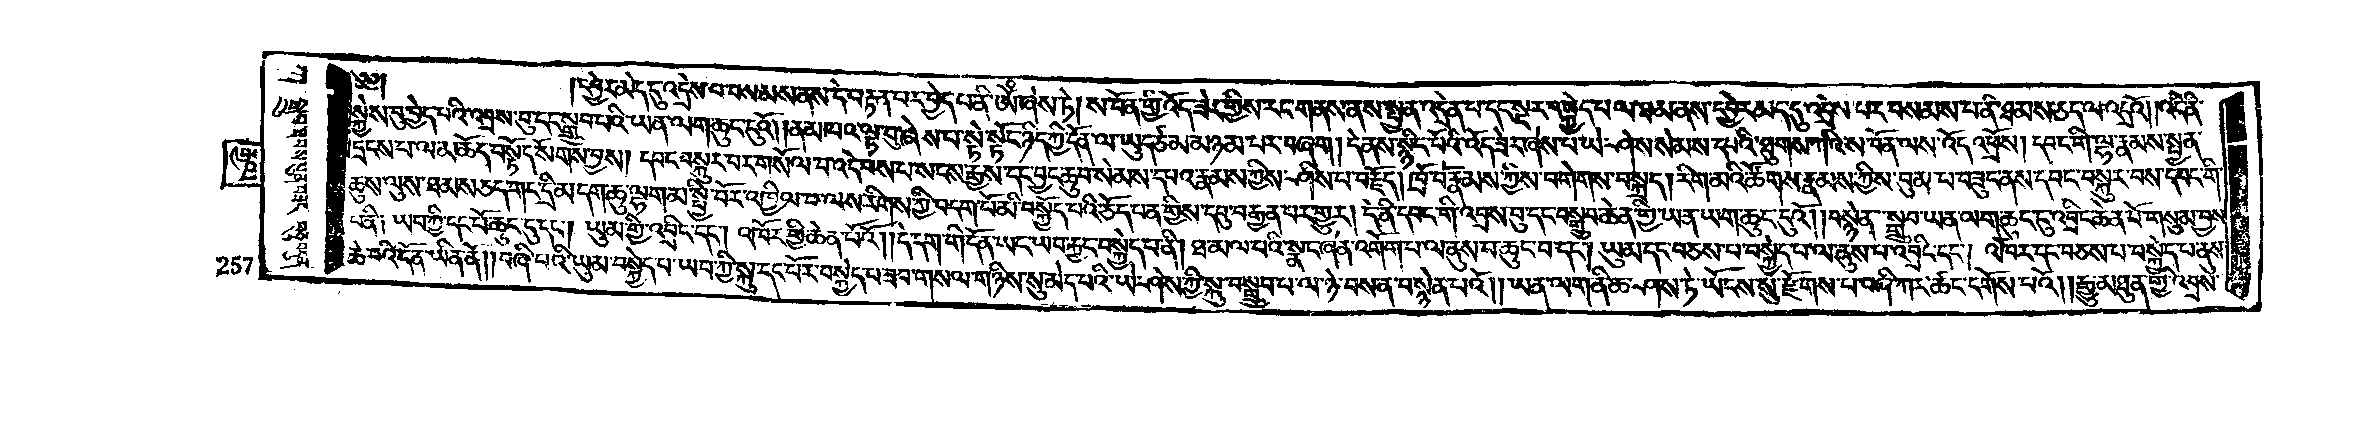༄༅། །དབྱེར་མེད་དུ་འདྲེས་པ་བསམས་ནས་དེ་བརྟན་པར་བྱེད་པ་ནི་ཨོཾ་ཞེས་ཏེ། ས་བོན་གྱི་འོད་ཟེར་གྱིས་རང་གནས་ནས་སྤྱན་འདྲེན་པ་དང་སྔར་བསྐྱེད་པ་ལ་ཐམ་ནས་དབྱེར་མེད་དུ་འདྲེས་པར་བསམས་པ་ནི་ཐམས་ཅད་ལ་འདྲའོ། །འདི་ནི་
སྐྱེས་བུ་བྱེད་པའི་འབྲས་བུ་དང་སྒྲུབ་པའི་ཡན་ལག་ཆུང་ངུའོ། །ནམ་མཁའ་ལྟ་བུ་ཞེས་པ་སྟེ་སྟོང་ཉིད་ཀྱི་དོན་ལ་ཡུད་ཙམ་མཉམ་པར་བཞག །དེ་ནས་སྙིང་པོའི་འོད་ཟེར་ཞེས་པ་ཡེ་ཤེས་སེམས་དཔའི་ཐུགས་ཀའི་ས་བོན་ལས་འོད་འཕྲོས། དབང་གི་ལྷ་རྣམས་སྤྱན་
དྲངས་པ་ལ་མཆོད་བསྟོད་སོགས་བྱས། དབང་བསྐུར་བར་གསོལ་བ་འདེབས་པས་སངས་རྒྱས་དང་བྱང་ཆུབ་སེམས་དཔའ་རྣམས་ཀྱིས་ཤིས་པ་བརྗོད། ཁྲོ་བོ་རྣམས་ཀྱིས་བགེགས་བསྐྲད། རིག་མའི་ཚོགས་རྣམས་ཀྱིས་བུམ་པ་བཟུང་ནས་དབང་བསྐུར་བས་དབང་གི་
ཆུས་ལུས་ཐམས་ཅད་གང་དྲི་མ་དག་ཆུ་ལྷག་མ་སྤྱི་བོར་འཁྱིལ་བ་ལས་རིགས་ཀྱི་བདག་པོ་མི་བསྐྱོད་པའི་ཆོད་པན་གྱིས་དབུ་བརྒྱན་པར་གྱུར། དེ་ནི་དབང་གི་འབྲས་བུ་དང་བསྒྲུབ་ཆེན་གྱི་ཡན་ཡང་ཆུང་ངུའོ། །བསྙེན་སྒྲུབ་པ་ཡན་ལག་ཆུང་ངུ་འབྲིང་ཆེན་པོ་གསུམ་བྱས་
པ་ནི། ཡབ་ཀྱི་དང་པོ་ཆུང་ངུ་དང་། ཡུམ་གྱི་འབྲིང་དང་། འཁོར་གྱི་ཆེན་པོའོ། །དེ་དག་གི་དོན་ཡང་ཡབ་རྐྱང་བསྐྱེད་པ་ནི། ཐ་མལ་པའི་སྣང་ཞེན་འགོག་པ་ལ་ནུས་པ་ཆུང་བ་དང་། ཡུམ་དང་བཅས་པ་བསྐྱེད་པ་ལ་ནུས་པ་འབྲིང་དང་། འཁོར་དང་བཅས་པ་བསྐྱེད་པ་ནུས་
ཆེ་བའི་དོན་ཡིན་ནོ། །བཞི་པའི་ཡུམ་བསྐྱེད་པ་ཡབ་ཀྱི་སྐུ་དང་པོར་བསྐྱེད་པ་ཟབ་གསལ་གཉིས་སུ་མེད་པའི་ཡེ་ཤེས་ཀྱི་སྐུ་བསྒྲུབ་པ་ལ་ཉེ་བས་ན་བསྙེན་པའོ། །ཡན་ལག་ནི་ཆ་ཤས་ཏེ་ཡོངས་སུ་རྫོགས་པ་བཞི་ཀར་ཚང་དགོས་པའོ། །རྒྱུ་མཐུན་གྱི་འབྲས་